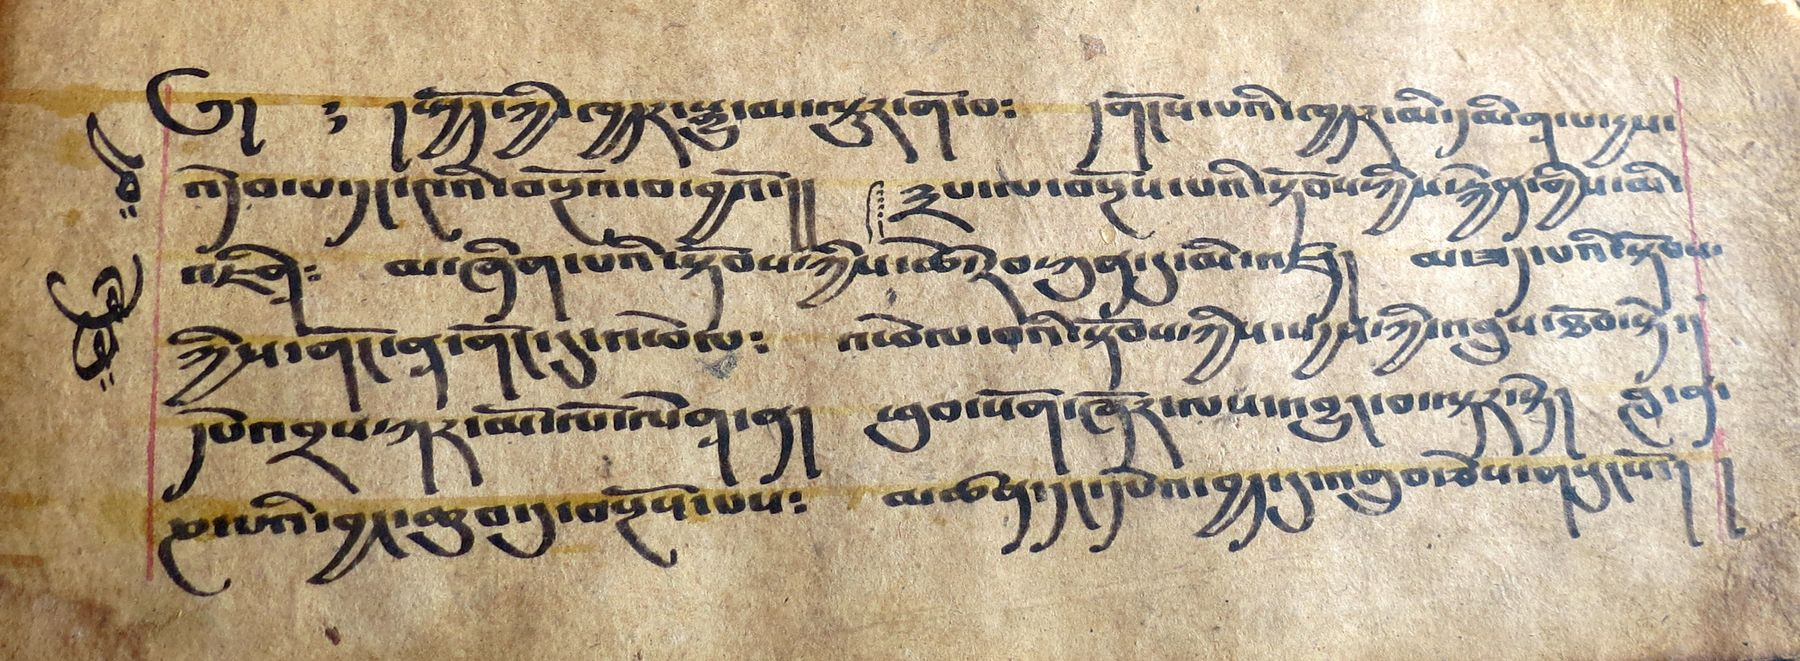སྤྱོད་ཀྱི་ཁྱད་པར་སྒྱུ་མ་ལྟ་བུ་གོ་བ། དགོངས་པའི་ཁྱད་པར་མི་དམིགས་པའི་རྒྱས་
འདེབས་པ་དང་བཞིས་བསྔོ་བའོ། ། གསུམ་པ་ནི་༼བྱང་ཆུབ་ཀྱི་ས་༽ལ་བསྔོས་པའི་སྟོབས་ཀྱིས་རྐྱེན་གྱིས་མི་
འཇིག མ་ཞིག་པའི་སྟབས་ཀྱིས་ཚེ་རབས་གཏན་དུ་མི་འཛད། མ་ཟད་པའི་སྟོབས་
ཀྱིས་གོང་ནས་གོང་དུ་འཕེལ། འཕེལ་བའི་སྟོབས་ཀྱིས་སངས་རྒྱས་ཀྱི་འབྲས་བུ་ཐོབ་སྟེ། 
དཔེར་ན་འབྲས་དཀར་པོ་ལོ་ལེགས་ན་ཕུབ་སོག་ཞོར་ལ་འབྱུང་བ་ལྟར་ཏེ། བླ་ན་
མེད་པའི་བྱང་ཆུབ་ཏུ་བསྔོས་པས། མཚན་དང་དཔེ་བྱེད་དུ་འགྲུབ་ཅེས་གསུངས་སོ། །